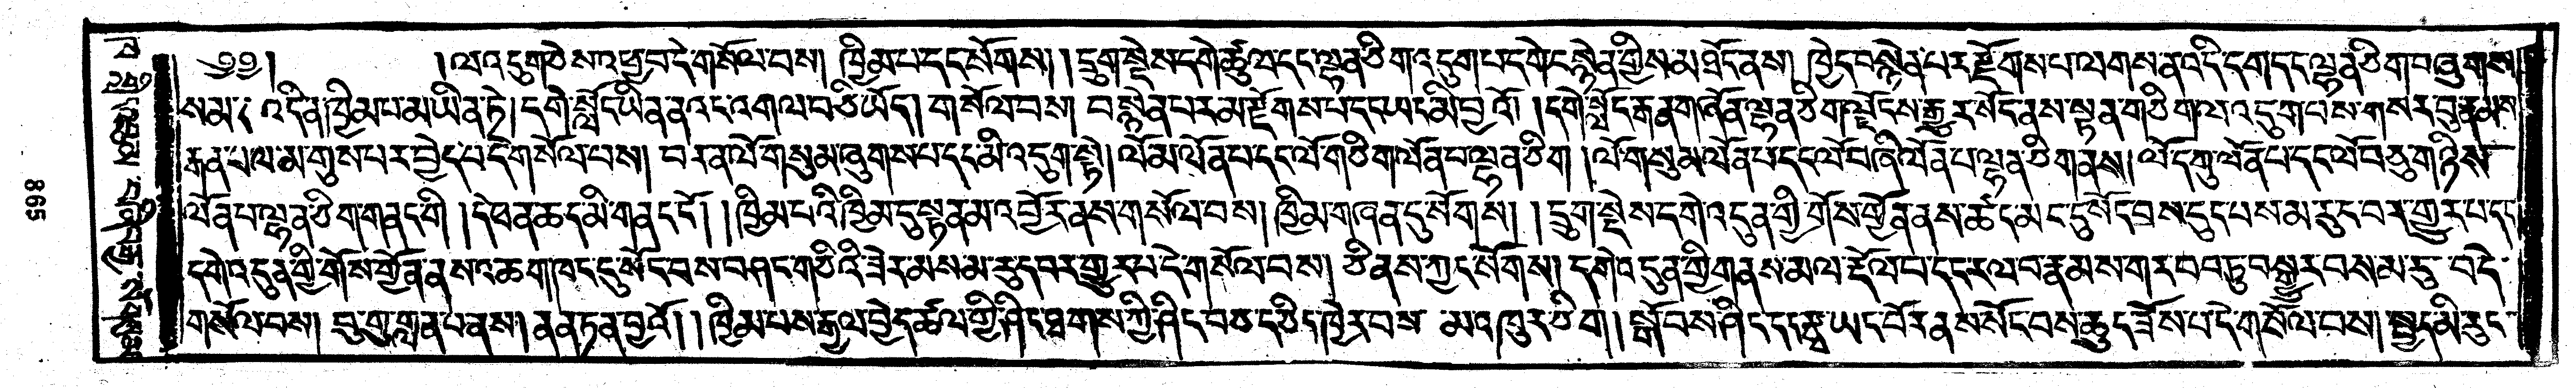༄༅། །ལ་འདུག་ཅེས་འཕྱ་བ་དེ་གསོལ་བས། ཁྱིམ་པ་དང་སོགས། །དྲུག་སྡེས་དགེ་ཚུལ་དང་ལྷན་ཅིག་འདུག་པ་དགེ་ང་སྙེན་གྱིས་མཐོང་ནས། ཁྱེད་བསྙེན་པར་རྫོགས་པ་ལགས་ན་འདི་དག་དང་ལྷན་ཅིག་བཞུགས་
སམ༑ འདི་ན་ཁྱིམ་པ་མ་ཡིན་ཏེ། དགེ་སློང་ཡིན་ནའང་འགལ་བཅི་ཡོད། གསོལ་བས། བསྙེན་པར་མ་རྫོགས་པ་དང་ཡང་མི་བྱའོ། །དགེ་སློང་རྒན་གཞོན་ལྷན་ཅིག་ལྗོངས་རྒྱུར་སོང་ནས་སྟན་གཅིག་ལ་འདུག་པས་གསར་བུ་རྣམས་
རྒན་པ་ལ་མ་གུས་པར་བྱེད་པ་དེ་གསོལ་པས། བར་ན་ལོ་གསུམ་ཞུགས་པ་དང་མི་འདུག་སྟེ། ལོ་མ་ལོན་པ་དང་ལོ་གཅིག་ལོན་པ་ལྷན་ཅིག །ལོ་གསུམ་ལོན་པ་དང་ལོ་བཞི་ལོན་པ་ལྷན་ཅིག་ནས། ལོ་དགུ་ལོན་པ་དང་ལོ་བཅུ་གཉིས་
ལོན་པ་ལྷན་ཅིག་གནད་གི །དེ་ཕན་ཆད་མི་གནང་ངོ། །ཁྱིམ་པའི་ཁྱིམ་དུ་སྟན་མ་འབྱོར་ནས་གསོལ་བས། ཁྱིམ་གཞན་དུ་སོགས། །དྲུག་སྡེས་དགེ་འདུན་གྱི་གོས་གྱོན་ནས་ཚད་མང་དུ་སོད་བས་དུད་པས་མ་རུང་བར་གྱུར་པ་དང་
དགེ་འདུན་གྱི་གོས་གྱོན་ནས་འཆག་ཁང་དུ་སོང་བས་བཤད་གཅིའི་ཟེར་མས་མ་རུ་དབར་གྱུར་པ་དེ་གསོལ་བས། ཅི་ནས་ཀྱང་སོགས། དགེ་འདུན་གྱི་གནས་མལ་རྡོལ་བ་དང་རལ་བ་རྣམས་གར་བབ་ཏུ་བསྒྱུར་བས་མ་རུ་བདེ་
གསོལ་བས། བུ་གུ་གླན་པ་ནས། ནན་ཏན་བྱའོ། །ཁྱིམ་པས་རྒྱལ་བྱེད་ཚལ་གྱི་ཤིང་ཐགས་ཀྱི་ཤིང་བཅད་ཅིང་ཁྱེར་བས་མ་འཁུར་ཅིག། སྒོ་བས་ཤིང་དང་རྩྭ་ཡང་བོར་ནས་སོང་བས་ཆུད་ཟོས་པ་དེ་གསོལ་བས། སྦྱད་མི་རུང་